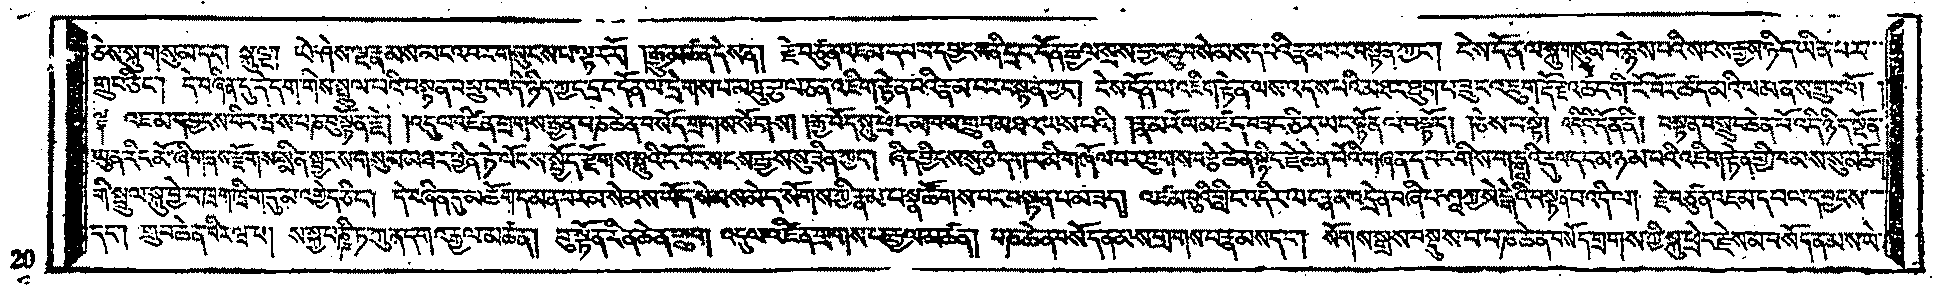ཅེས་སྐུ་གསུམ་དང་། སྐུ་ལྔ། ཡེ་ཤེས་ལྔ་རྣམས་མངའ་བར་གསུངས་པ་ལྟར་རོ། །རྒྱུ་མཚན་དེས་ན། རྗེ་བཙུན་འཇམ་དཔལ་དབྱངས་ནི་དྲང་དོན་རྒྱལ་སྲས་བྱང་ཆུབ་སེམས་དཔའི་རྣམ་པར་བསྟན་ཀྱང་། ངེས་དོན་ལ་སྐུ་གསུམ་བརྙེས་པའི་སངས་རྒྱས་ཉིད་ཡིན་པར་
གྲུབ་ཅིང་། དེ་བཞིན་དུ་དེ་དག་གིས་སྤྲུལ་པའི་བསྟན་བསྲུང་འདི་ཉིད་ཀྱང་དྲང་དོན་ལ་དྲེགས་པ་མཐུ་རྩལ་ཅན་འཇིག་རྟེན་པའི་རྣམ་པར་བསྟན་ཀྱང་། ངེས་དོན་ལ་འཇིག་རྟེན་ལས་འདས་པའི་མཐར་ཐུག་པ་ཟུང་འཇུག་རྡོ་རྗེ་འཆང་གི་ངོ་བོར་ཚད་མའི་ལམ་ནས་གྲུབ་བོ། །
༈ འཇམ་དབྱངས་བིར་ཝ་ས་པཎ་བུ་སྟོན་རྗེ། །འདུལ་འཛིན་གྲགས་རྒྱན་པཎ་ཆེན་བསོད་གྲགས་སོགས། །རྒྱ་བོད་སྐུ་ཕྲེང་མཁས་གྲུབ་མཐའ་ཡས་པའི། །རྣམ་རོལ་མཛད་བཟང་ཅིར་ཡང་སྟོན་ལ་བསྟོད། །ཅེས་པ་སྟེ། འདིའི་དོན་ནི། བསྟན་བསྲུང་ཆེན་པོ་འདི་ཉིད་སྔོན་
ཡུན་རིང་མོ་ཞིག་ནས་རྫོགས་སྨིན་སྦྱངས་གསུམ་མཐར་ཕྱིན་ཏེ་ལོངས་སྤྱོད་རྫོགས་སྐུའི་ངོ་བོར་སངས་རྒྱས་སུ་ཟིན་ཀྱང་། ཞི་དབྱིངས་སུ་ཅི་དགར་མི་གཞོལ་བར་ཐུགས་བརྩེ་ཆེན་སྙིང་རྗེ་ཆེན་པོའི་གཞན་དབང་གིས་གངྒཱའི་རྡུལ་དང་མཉམ་པའི་འཇིག་རྟེན་གྱི་ཁམས་སུ་མཆོག་
གི་སྤྲུལ་སྐུ་བྱེ་བ་ཁྲག་ཁྲིག་དུ་མ་འགྱེད་ཅིང་། དེ་བཞིན་དུ་མཆོག་དམན་པར་མ་སེམས་ཡོད་སེམས་མེད་སོགས་ཀྱི་རྣམ་པ་སྣ་ཚོགས་པར་བསྟན་པ་མ་ཟད། འཛམ་བུའི་གླིང་འདིར་ཡང་རྣམ་འདྲེན་བཞི་པ་ཤཱཀྱ་སེངྒེའི་བསྟན་པ་འདི་ལ། རྗེ་བཙུན་འཇམ་དཔལ་དབྱངས་
དང་། གྲུབ་ཆེན་བིར་ཝ་པ། ས་སྐྱ་པཎྜི་ཏ་ཀུན་དགའ་རྒྱལ་མཚན། བུ་སྟོན་རིན་ཆེན་གྲུབ། འདུལ་འཛིན་གྲགས་པ་རྒྱལ་མཚན། པཎ་ཆེན་བསོད་ནམས་གྲགས་པ་རྣམས་དང་། སོགས་སྒྲས་བསྡུས་པ་པཎ་ཆེན་བསོད་གྲགས་ཀྱི་སྐུ་ཕྲེང་རྗེས་མ་བསོད་ནམས་ཡེ་